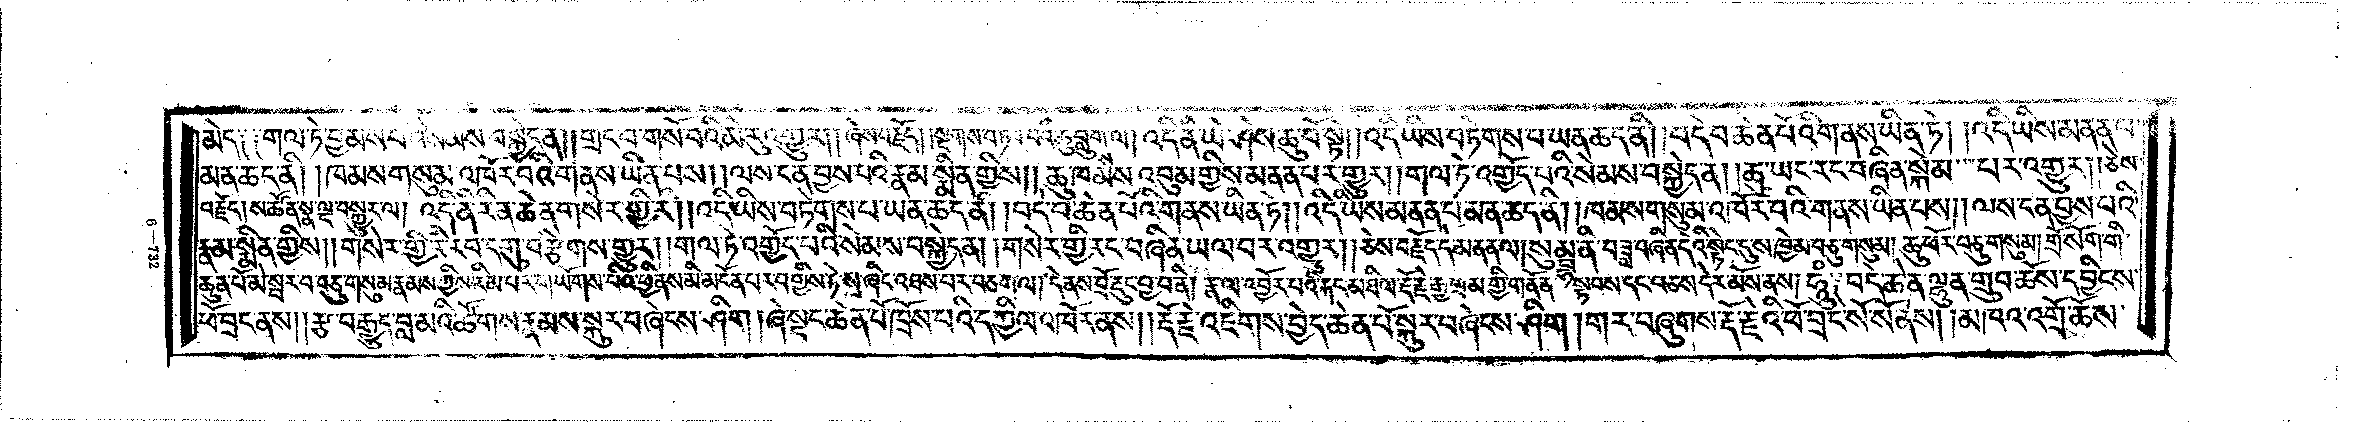མེད༑ ༑གལ་ཏེ་བྱམས་པའི་སམས་བསྐྱེད་ན། །གྲང་བ་གསོ་བའི་མེ་རུ་འགྱུར། །ཞེས་བརྗོད། །སྔགས་བཏབ་པའི་ཆུ་བླུགས་ལ། །འདི་ནི་ཡེ་ཤེས་ཆུ་བོ་སྟེ། །འདི་ཡིས་བཏེགས་པ་ཡན་ཆད་ནི། །བདེ་བ་ཆེན་པོའི་གནས་ཡིན་ཏེ། །འདི་ཡིས་མནན་པ་
མན་ཆད་ནི། །ཁམས་གསུམ་འཁོར་བའི་གནས་ཡིན་པས། །ལས་ངན་བྱས་པའི་རྣམ་སྨིན་གྱིས། །ཆུ་ཁམས་འབུམ་གྱིས་མནན་པར་གྱུར། །གལ་ཏེ་འགྱོད་པའི་སེམས་བསྐྱེད་ན། །ཆུ་ཡང་རང་བཞིན་སྐེམ་པར་འགྱུར། །ཅེས་
བརྗོད། །ས་ཚོན་སྣ་ལྔ་བསྐྱུར་ལ། འདི་ནི་རིན་ཆེན་གསེར་གྱིར། །འདི་ཡིས་བཏེགས་པ་ཡན་ཆད་ནི། །བདེ་བ་ཆེན་པོའི་གནས་ཡིན་ཏེ། །འདི་ཡིས་མནན་པ་མན་ཆད་ནི། །ཁམས་གསུམ་འཁོར་བའི་གནས་ཡིན་པས། །ལས་ངན་བྱས་པའི་
རྣམ་སྨིན་གྱིས། །གསེར་གྱི་རི་རབ་དགུ་བརྩེགས་གྱུར། །གལ་ཏེ་འགྱོད་པའི་སེམས་བསྐྱེད་ན། །གསེར་གྱི་རང་བཞིན་ཡལ་བར་འགྱུར། །ཅེས་བརྗོད་དེ་མནན་ལ། སུམྦྷ་ནི་བཟླ་བཞིན་དེའི་སྟང་དུ་ས་ཁྱེམ་བཅུ་གསུམ། །ཆུ་ཕོར་བཅུ་གསུམ། གྲོ་སོག་གི་
ཆུན་པོ་མེ་སྦར་བ་བཅུ་གསུམ་རྣམས་ཀྱིས་རིམ་པར་གཡོགས་པའི་ཕྱི་ནས་མི་མངོན་པར་བགྱིས་ཏེ་སྲ་ཞིང་འཐས་པར་བཅག་ལ། དེ་ནས་བྲོ་རྡུར་བྱ་བ་ནི། རྣལ་འབྱོར་པའི་རྐང་མཐིལ་རྡོ་རྗེ་རྒྱ་གྲམ་གྱི་གནོན་སྟབས་དང་བཅས་དེར་མོས་ནས། ཧཱུཾ༑ བདེ་ཆེན་ལྷུན་གྲུབ་ཆོས་དབྱིངས་
ཕོ་བྲང་ནས། །རྩ་བརྒྱུད་བླ་མའི་ཚོགས་རྣམས་སྐུར་བཞེངས་ཤིག །ཞེ་སྡང་ཆེན་པོ་ཁྲོས་པའི་དཀྱིལ་འཁོར་ནས། །རྡོ་རྗེ་འཇིགས་བྱེད་ཆེན་པོ་སྐུར་བཞེངས་ཤིག །གར་བཞུགས་རྡོ་རྗེའི་ཕོ་བྲང་སོ་སོ་ནས། །མཁའ་འགྲོ་ཆོས་